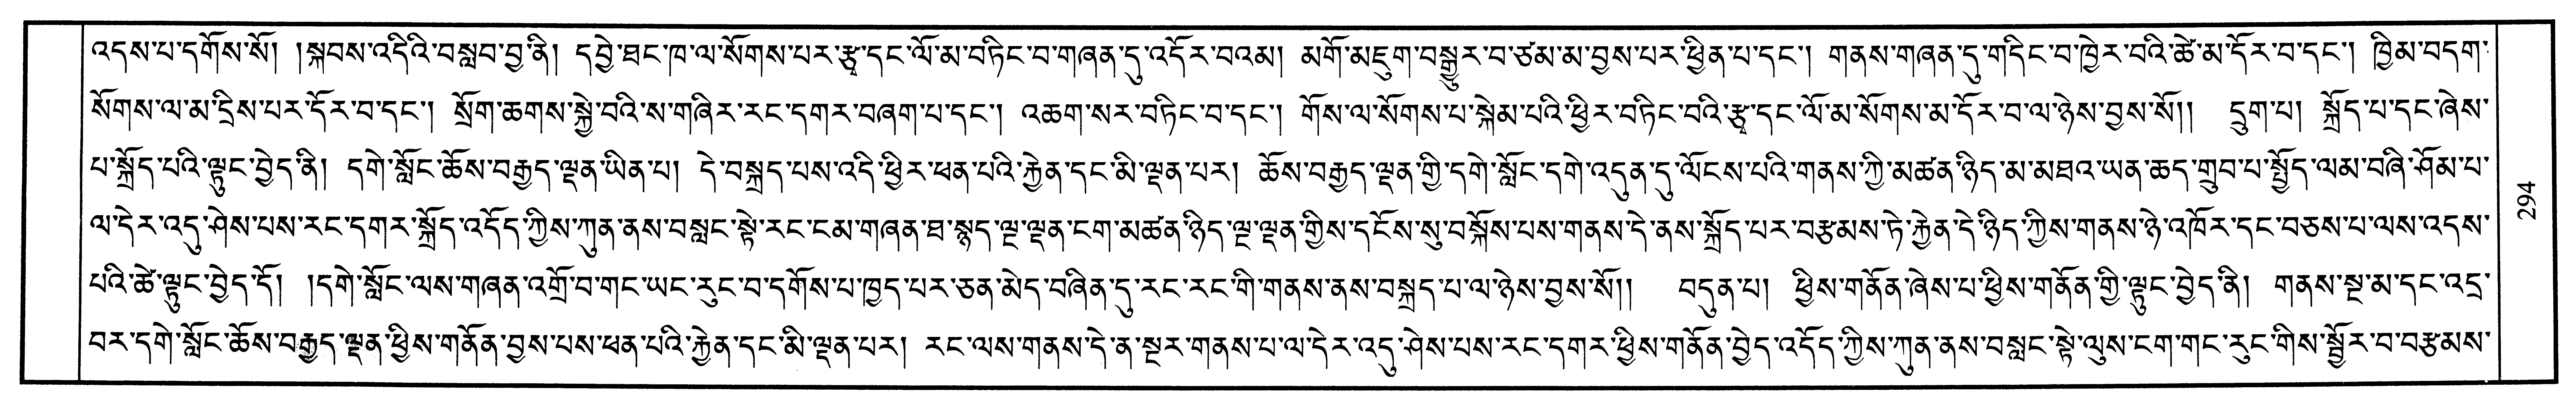འདས་པ་དགོས་སོ། །སྐབས་འདིའི་བསླབ་བྱ་ནི། དབྱེ་ཐང་ཁ་ལ་སོགས་པར་རྩྭ་དང་ལོ་མ་བཏིང་བ་གཞན་དུ་འདོར་བའམ། མགོ་མཇུག་བསྒྱུར་བ་ཙམ་མ་བྱས་པར་ཕྱིན་པ་དང་། གནས་གཞན་དུ་གདིང་བ་ཁྱེར་བའི་ཚེ་མ་དོར་བ་དང་། ཁྱིམ་བདག་
སོགས་ལ་མ་དྲིས་པར་དོར་བ་དང་། སྲོག་ཆགས་སྐྱེ་བའི་ས་གཞིར་རང་དགར་བཞག་པ་དང་། འཆག་སར་བཏིང་བ་དང་། གོས་ལ་སོགས་པ་སྐེམ་པའི་ཕྱིར་བཏིང་བའི་རྩྭ་དང་ལོ་མ་སོགས་མ་དོར་བ་ལ་ཉེས་བྱས་སོ།། དྲུག་པ། སྐྲོད་པ་དང་ཞེས་
པ་སྐྲོད་པའི་ལྟུང་བྱེད་ནི། དགེ་སློང་ཆོས་བརྒྱད་ལྡན་ཡིན་པ། དེ་བསྐྲད་པས་འདི་ཕྱིར་ཕན་པའི་རྐྱེན་དང་མི་ལྡན་པར། ཆོས་བརྒྱད་ལྡན་གྱི་དགེ་སློང་དགེ་འདུན་དུ་ལོངས་པའི་གནས་ཀྱི་མཚན་ཉིད་མ་མཐའ་ཡན་ཆད་གྲུབ་པ་སྤྱོད་ལམ་བཞི་ཤོམ་པ་
ལ་དེར་འདུ་ཤེས་པས་རང་དགར་སྐྲོད་འདོད་ཀྱིས་ཀུན་ནས་བསླང་སྟེ་རང་ངམ་གཞན་ཐ་སྙད་ལྔ་ལྡན་ངག་མཚན་ཉིད་ལྔ་ལྡན་གྱིས་དངོས་སུ་བསྐོས་པས་གནས་དེ་ནས་སྐྲོད་པར་བརྩམས་ཏེ་རྐྱེན་དེ་ཉིད་ཀྱིས་གནས་ཉེ་འཁོར་དང་བཅས་པ་ལས་འདས་
པའི་ཚེ་ལྟུང་བྱེད་དོ། །དགེ་སློང་ལས་གཞན་འགྲོ་བ་གང་ཡང་རུང་བ་དགོས་པ་ཁྱད་པར་ཅན་མེད་བཞིན་དུ་རང་རང་གི་གནས་ནས་བསྐྲད་པ་ལ་ཉེས་བྱས་སོ།། བདུན་པ། ཕྱིས་གནོན་ཞེས་པ་ཕྱིས་གནོན་གྱི་ལྟུང་བྱེད་ནི། གནས་སྔ་མ་དང་འདྲ་
བར་དགེ་སློང་ཆོས་བརྒྱད་ལྡན་ཕྱིས་གནོན་བྱས་པས་ཕན་པའི་རྐྱེན་དང་མི་ལྡན་པར། རང་ལས་གནས་དེ་ན་སྔར་གནས་པ་ལ་དེར་འདུ་ཤེས་པས་རང་དགར་ཕྱིས་གནོན་བྱེད་འདོད་ཀྱིས་ཀུན་ནས་བསླང་སྟེ་ལུས་ངག་གང་རུང་གིས་སྦྱོར་བ་བརྩམས་